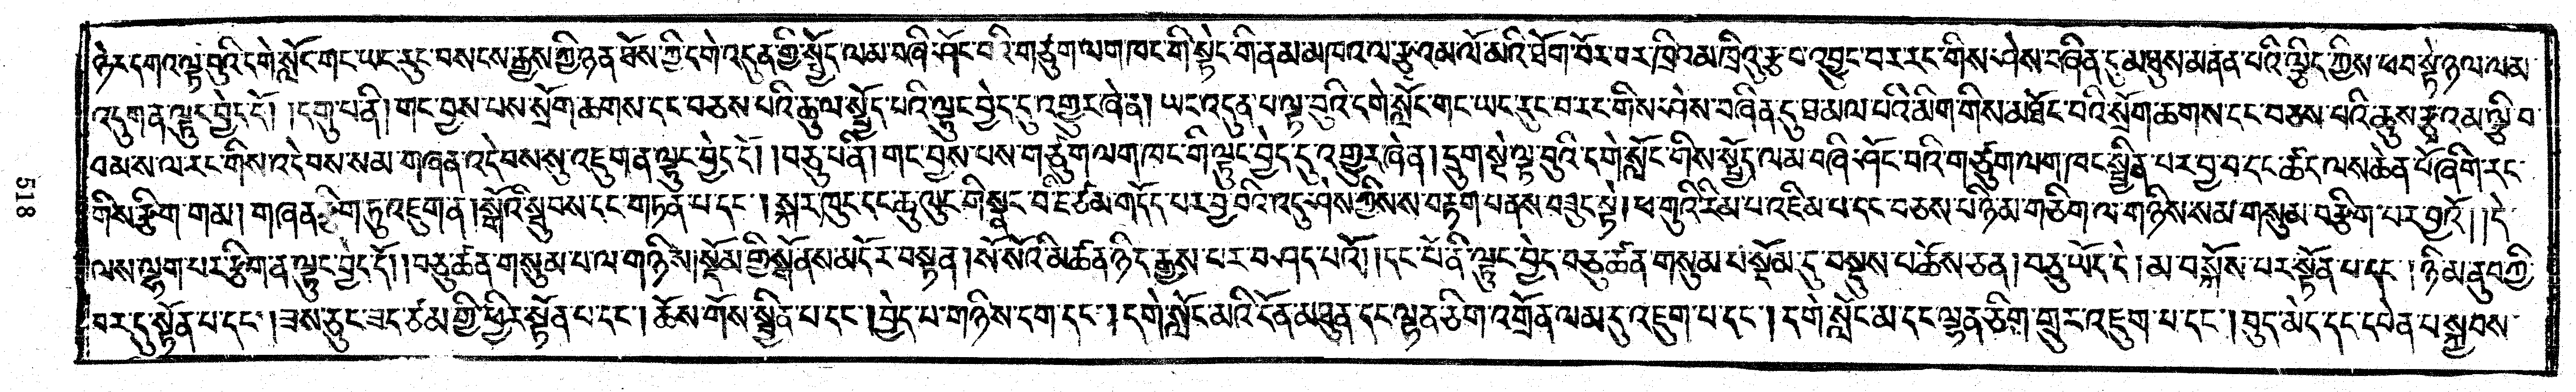ཉེར་དགའ་ལྟ་བུའི་དགེ་སློང་གང་ཡང་རུང་བ་སངས་རྒྱས་ཀྱི་ཉན་ཐོས་ཀྱི་དགེ་འདུན་གྱི་སྤྱོད་ལམ་བཞི་ཤོང་བའི་གཙུག་ལག་ཁང་གི་སྟེང་གི་ནམ་མཁའ་ལ་རྩའམ་ལོ་མའི་ཐོག་བོར་བར་ཁྲིའམ་ཁྲིའུ་རྩ་བ་འབྱུང་བར་རང་གིས་ཤེས་བཞིན་དུ་མཐུས་མནན་པའི་ལྕིང་ཀྱིས་ཕབ་སྟེ་ཉལ་ལམ་
འདུག་ན་ལྟུང་བྱེད་དོ། །དགུ་པ་ནི། གང་བྱས་པས་སྲོག་ཆགས་དང་བཅས་པའི་ཆུ་ལ་སྤྱོད་པའི་ལྟུང་བྱེད་དུ་འགྱུར་ཞེ་ན། ཡང་འདུན་པ་ལྟ་བུའི་དགེ་སློང་གང་ཡང་རུང་བ་རང་གིས་ཤེས་བཞིན་དུ་ཐ་མལ་པའི་མིག་གིས་མཐོང་བའི་སྲོག་ཆགས་དང་བཅས་པའི་ཆུས་རྩྭའམ་ལྕི་བ་
བམ་ས་ལ་རང་གིས་འདེབས་སམ་གཞན་འདེབས་སུ་འཇུག་ན་ལྟུང་བྱེད་དོ། །བཅུ་པ་ནི། གང་བྱས་པས་གཙུག་ལག་ཁང་གི་ལྟུང་བྱེད་དུ་འགྱུར་ཞེ་ན། དྲུག་སྡེ་ལྟ་བུའི་དགེ་སློང་གིས་སྤྱོད་ལམ་བཞི་ཤོང་བའི་གཙུག་ལག་ཁང་སྦྱིན་པར་བྱ་བ་དང་ཚང་ལས་ཆེན་པོ་ཞིག་རང་
གིས་རྩིག་གམ། གཞན་རྩིག་ཏུ་འཇུག་ན། སྒོའི་སྦུབས་དང་གཏན་པ་དང་། སྐར་ཁུང་དང་ཆུ་ལུང་གི་སྣང་བ་ཇི་ཙམ་གདོད་པར་བྱ་བའི་འདུ་ཤེས་ཀྱིས་ས་བརྟག་པ་ནས་བཟུང་སྟེ། ཕ་གུའི་རིམ་པ་འཇིམ་པ་དང་བཅས་པ་ཉི་མ་གཅིག་ལ་གཉིས་སམ་གསུམ་བརྩིག་པར་བྱའོ། །དེ་
ལས་ལྷག་པར་རྩིག་ན་ལྟུང་བྱེད་དོ། །བཅུ་ཚན་གསུམ་པ་ལ་གཉིས། སྡོམ་གྱི་སྒོ་ནས་མདོར་བསྟན། སོ་སོའི་མཚན་ཉིད་རྒྱས་པར་བཤད་པའོ། །དང་པོ་ནི་ལྟུང་བྱེད་བཅུ་ཚན་གསུམ་པ་སྡོམ་དུ་བསྡུས་པ་ཆོས་ཅན། བཅུ་ཡོད་དེ། མ་བསྐོས་པར་སྟོན་པ་དང་།ཉི་མ་ནུབ་ཀྱི་
བར་དུ་སྟོན་པ་དང་། ཟས་ཅུང་ཟད་ཙམ་གྱི་ཕྱིར་སྟོན་པ་དང་། ཆོས་གོས་སྦྱིན་པ་དང་།བྱེད་པ་གཉིས་དག་དང་། དགེ་སློང་མའི་དོན་མཐུན་དང་ལྷན་ཅིག་འགྲོན་ལམ་དུ་འཇུག་པ་དང་། དགེ་སློང་མ་དང་ལྷན་ཅིག་གྲུར་འཇུག་པ་དང་། བུད་མེད་དང་དབེན་པ་སྐྱབས་